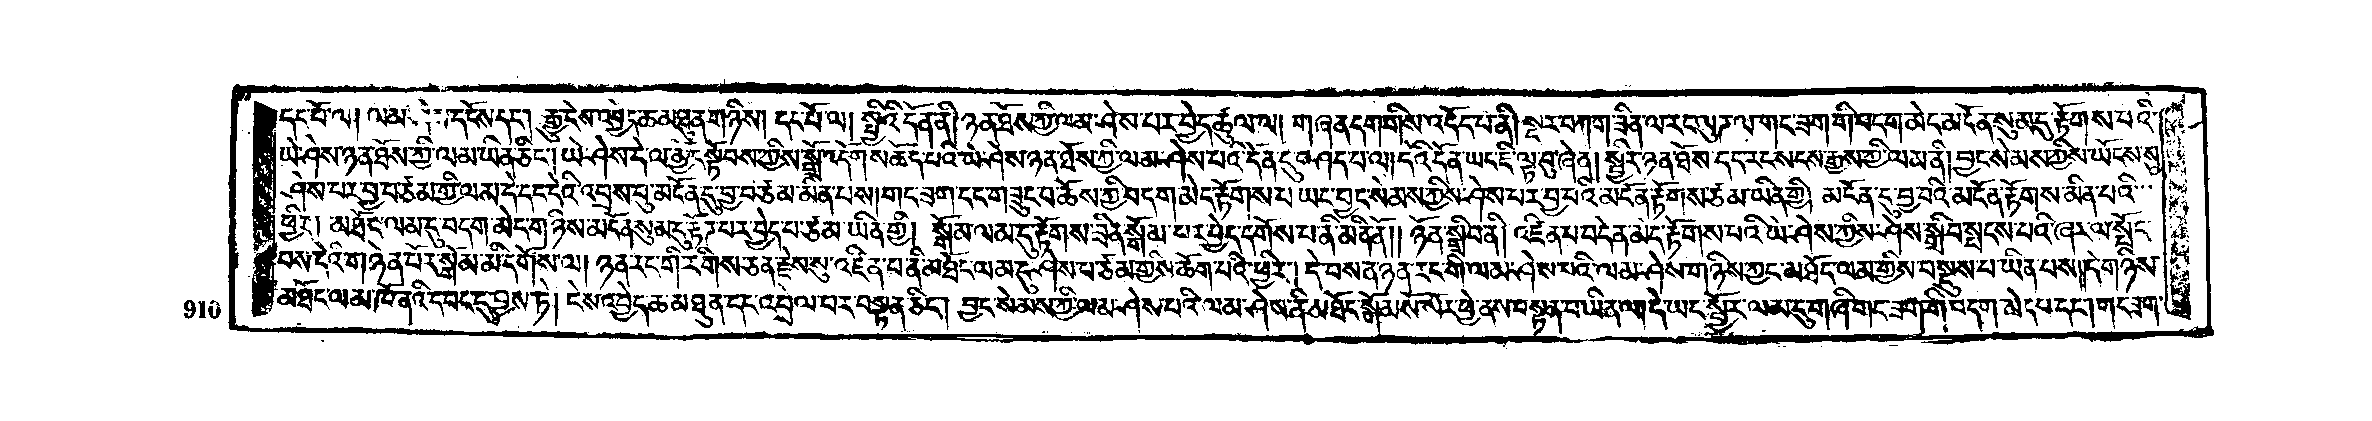དང་པོ་ལ། ལམ་ཤེས་དངོས་དང་། རྒྱུ་ངེས་འབྱེད་ཆ་མཐུན་གཉིས། དང་པོ་ལ། སྤྱིའི་དོན་ནི། ཉན་ཐོས་ཀྱི་ལམ་ཤེས་པར་བྱེད་ཚུལ་ལ། གཞན་དག་གིས་འདོད་པ་ནི། སྔར་བཀག་ཟིན་ལ་རང་ལུགས་ལ་གང་ཟག་གི་བདག་མེད་མངོན་སུམ་དུ་རྟོགས་པའི་
ཡེ་ཤེས་ཉན་ཐོས་ཀྱི་ལམ་ཡིན་ཅིང་། ཡེ་ཤེས་དེ་ལ་མྱོང་སྟོབས་ཀྱིས་སྒྲོ་འདོགས་ཆོད་པའི་ཡེ་ཤེས་ཉན་ཐོས་ཀྱི་ལམ་ཤེས་པའི་དོན་དུ་བཤད་པ་ལ། དེའི་དོན་ཡང་ཇི་ལྟ་བུ་ཞེ་ན། སྤྱིར་ཉན་ཐོས་དང་རང་སངས་རྒྱས་ཀྱི་ལམ་ནི། བྱང་སེམས་ཀྱིས་ཡོངས་སུ་
ཤེས་པར་བྱ་བ་ཙམ་གྱི་ལམ་དེ་དང་དེའི་འབྲས་བུ་མངོན་དུ་བྱ་བ་ཙམ་མིན་པས། གང་ཟག་དང་གཟུང་བ་ཆོས་ཀྱི་བདག་མེད་རྟོགས་པ་ཡང་བྱང་སེམས་ཀྱིས་ཤེས་པར་བྱ་བའི་མངོན་རྟོགས་ཙམ་ཡིན་གྱི། མངོན་དུ་བྱ་བའི་མངོན་རྟོགས་མིན་པའི་
ཕྱིར། མཐོང་ལམ་དུ་བདག་མེད་གཉིས་མངོན་སུམ་དུ་རྟོགས་པར་བྱེད་པ་ཙམ་ཡིན་གྱི། སྒོམ་ལམ་དུ་རྟོགས་ཟིན་སྒོམ་པར་བྱེད་དགོས་པ་ནི་མིན་ནོ། །ཉོན་སྒྲིབ་ནི། འཛིན་པ་བདེན་མེད་རྟོགས་པའི་ཡེ་ཤེས་ཀྱིས་ཤེས་སྒྲིབ་སྤངས་པའི་ཞར་ལ་སྤོང་
པས་དེའི་གཉེན་པོར་སྒོམ་མི་དགོས་ལ། ཉན་རང་གི་རིགས་ཅན་རྗེས་སུ་འཛིན་པ་ནི་མཐོང་ལམ་དུ་ཤེས་པ་ཙམ་གྱིས་ཆོག་པའི་ཕྱིར། དེ་བས་ན་ཉན་རང་གི་ལམ་ཤེས་པའི་ལམ་ཤེས་གཉིས་ཀྱང་མཐོང་ལམ་གྱིས་བསྡུས་པ་ཡིན་པས། །དེ་གཉིས་
མཐོང་ལམ་ཁོ་ནའི་དབང་དུ་བྱས་ཏེ། ངེས་འབྱེད་ཆ་མཐུན་དང་འབྲེལ་བར་བསྟན་ཅིང་། བྱང་སེམས་ཀྱི་ལམ་ཤེས་པའི་ལམ་ཤེས་ནི་མཐོང་སྒོམ་སོ་སོར་ཕྱེ་ནས་བསྟན་པ་ཡིན་ལ། དེ་ཡང་སྦྱོར་ལམ་དུ་གཞི་གང་ཟག་གི་བདག་མེད་པ་དང་། གང་ཟག་